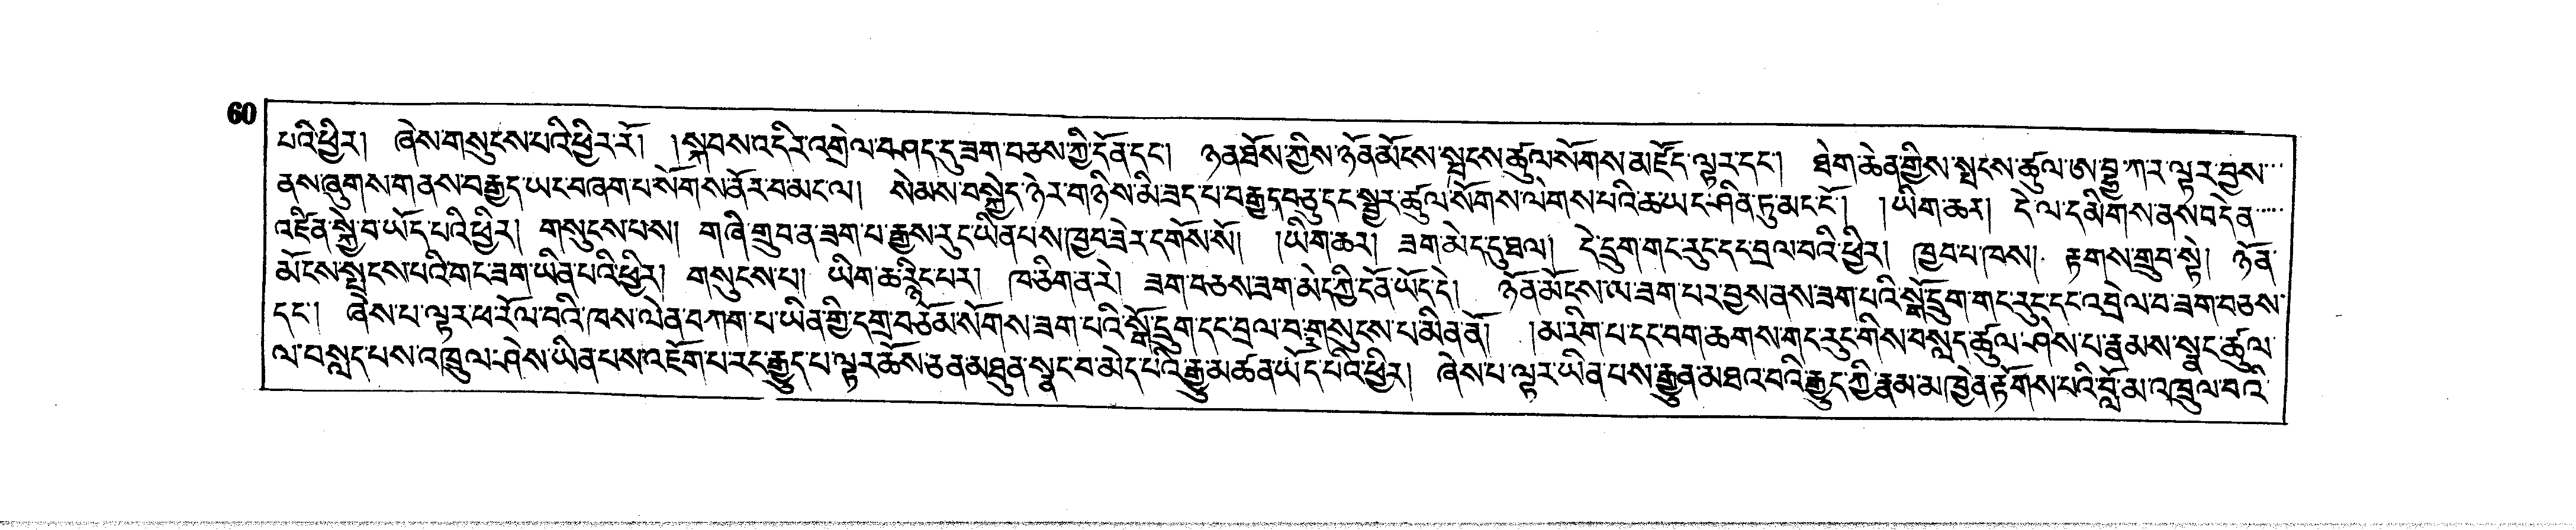པའི་ཕྱིར། ཞེས་གསུངས་པའི་ཕྱིར་རོ། །སྐབས་འདིར་འགྲེལ་བཤད་དུ་ཟག་བཅས་ཀྱི་དོན་དང་། ཉན་ཐོས་ཀྱིས་ཉོན་མོངས་སྤངས་ཚུལ་སོགས་མཛོད་ལྟར་དང་། ཐེག་ཆེན་གྱིས་སྤངས་ཚུལ་ཨ་བྷྱ་ཀ་ར་ལྟར་བྱས་
ནས་ཞུགས་གནས་བརྒྱད་ཡང་བཞག་པ་སོགས་ནོར་བ་མང་ལ། སེམས་བསྐྱེད་ཉེར་གཉིས་མི་ཟད་པ་བརྒྱད་བཅུ་དང་སྦྱར་ཚུལ་སོགས་ལེགས་པའི་ཆ་ཡང་ཤིན་ཏུ་མང་ངོ། །ཡིག་ཆར། དེ་ལ་དམིགས་ནས་བདེན་
འཛིན་སྐྱེ་བ་ཡོད་པའི་ཕྱིར། གསུངས་པས། གཞི་གྲུབ་ན་ཟག་པ་རྒྱས་རུང་ཡིན་པས་ཁྱབ་ཟེར་དགོས་སོ། །ཡིག་ཆར། ཟག་མེད་དུ་ཐལ། དེ་དྲུག་གང་རུང་དང་བྲལ་བའི་ཕྱིར། ཁྱབ་པ་ཁས། རྟགས་གྲུབ་སྟེ། ཉོན་
མོངས་སྤངས་པའི་གང་ཟག་ཡིན་པའི་ཕྱིར། གསུངས་པ། ཡིག་ཆ་རྙིང་པར། ཁ་ཅིག་ན་རེ། ཟག་བཅས་ཟག་མེད་ཀྱི་དོན་ཡོད་དེ། ཉོན་མོངས་ལ་ཟག་པར་བྱས་ནས་ཟག་པའི་སྒོ་དྲུག་གང་རུང་དང་འབྲེལ་བ་ཟག་བཅས་
དང་། ཞེས་པ་ལྟར་ཕ་རོལ་བའི་ཁས་ལེན་བཀག་པ་ཡིན་གྱི་དགྲ་བཅོམ་སོགས་ཟག་པའི་སྒོ་དྲུག་དང་བྲལ་བར་གསུངས་པ་མིན་ནོ། །མ་རིག་པ་དང་བག་ཆགས་གང་རུང་གིས་བསླད་ཚུལ་ཤེས་པ་རྣམས་སྣང་ཚུལ་
ལ་བསླད་པས་འཁྲུལ་ཤེས་ཡིན་པས་འཇོག་པ་རང་རྒྱུད་པ་ལྟར་ཆོས་ཅན་མཐུན་སྣང་བ་མེད་པའི་རྒྱུ་མཚན་ཡོད་པའི་ཕྱིར། ཞེས་པ་ལྟར་ཡིན་པས་རྒྱུན་མཐའ་བའི་རྒྱུད་ཀྱི་རྣམ་མཁྱེན་རྟོགས་པའི་བློ་མ་འཁྲུལ་བའི་